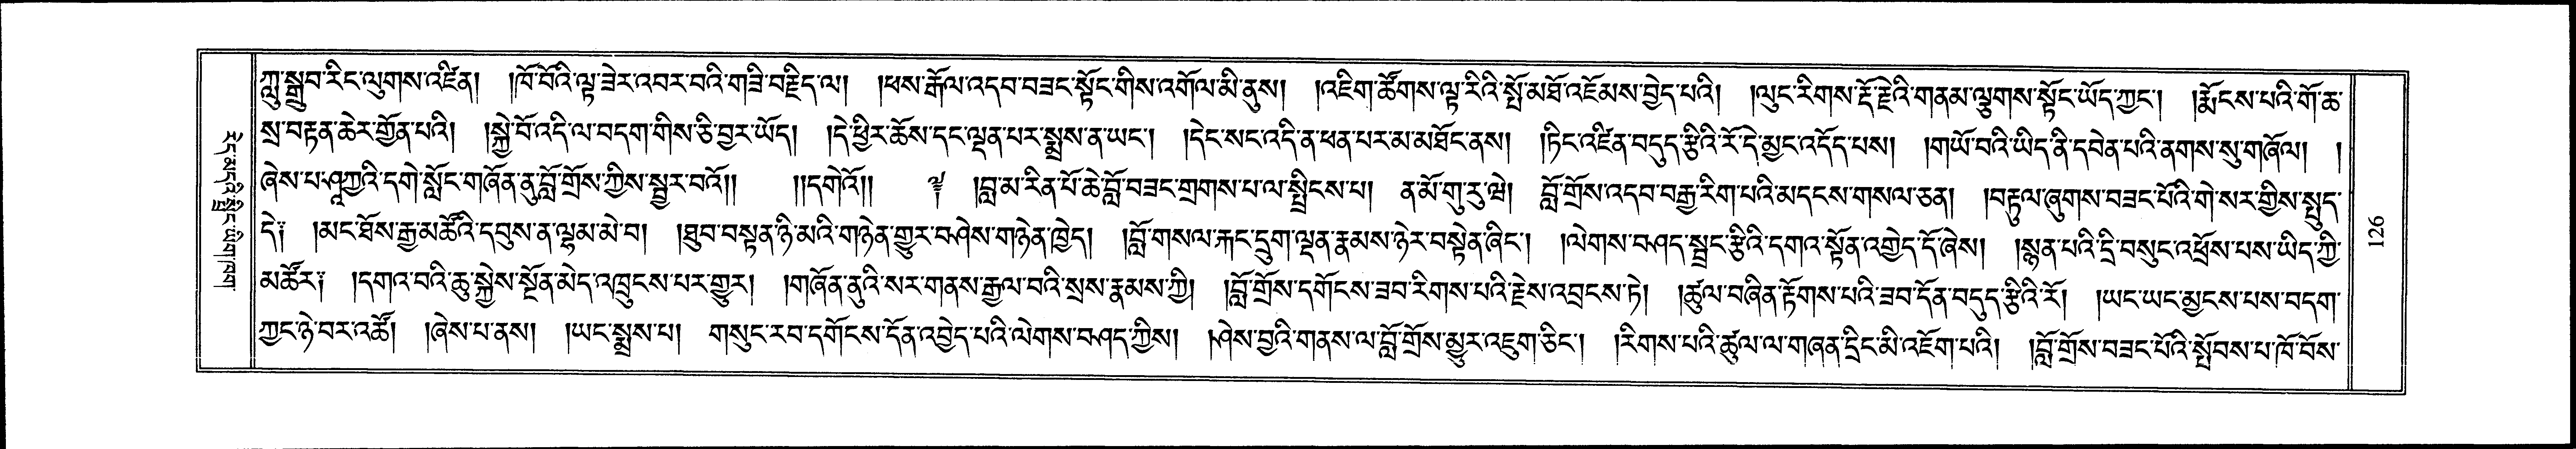ཀླུ་སྒྲུབ་རིང་ལུགས་འཛིན། །ཁོ་བོའི་ལྟ་ཟེར་འབར་བའི་གཟི་བརྗིད་ལ། །ཕས་རྒོལ་འདབ་བཟང་སྟོང་གིས་འགོལ་མི་ནུས། །འཇིག་ཚོགས་ལྟ་རིའི་སྤོ་མཐོ་འཇོམས་བྱེད་པའི། །ལུང་རིགས་རྡོ་རྗེའི་གནམ་ལྕགས་སྟོང་ཡོད་ཀྱང་། །རྨོངས་པའི་གོ་ཆ་
སྲ་བརྟན་ཆེར་གྱོན་པའི། །སྐྱེ་བོ་འདི་ལ་བདག་གིས་ཅི་བྱར་ཡོད། །དེ་ཕྱིར་ཆོས་དང་ལྡན་པར་སྨྲས་ན་ཡང་། །དེང་སང་འདི་ན་ཕན་པར་མ་མཐོང་ནས། །ཏིང་འཛིན་བདུད་རྩིའི་རོ་དེ་མྱང་འདོད་པས། །གཡོ་བའི་ཡིད་ནི་དབེན་པའི་ནགས་སུ་གཞོལ། །
ཞེས་པ་ཤཱཀྱའི་དགེ་སློང་གཞོན་ནུ་བློ་གྲོས་ཀྱིས་སྦྱར་བའོ།། །།དགེའོ།། ༈ །བླ་མ་རིན་པོ་ཆེ་བློ་བཟང་གྲགས་པ་ལ་སྤྲིངས་པ། ན་མོ་གུ་རུ་ཝེ། བློ་གྲོས་འདབ་བརྒྱ་རིག་པའི་མདངས་གསལ་ཅན། །བརྟུལ་ཞུགས་བཟང་པོའི་གེ་སར་གྱིས་སྤུད་
དེ། །མང་ཐོས་རྒྱ་མཚོའི་དབུས་ན་ལྷམ་མེ་བ། །ཐུབ་བསྟན་ཉི་མའི་གཉེན་གྱུར་བཤེས་གཉེན་ཁྱེད། །བློ་གསལ་རྐང་དྲུག་ལྡན་རྣམས་ཉེར་བསྟེན་ཞིང་། །ལེགས་བཤད་སྦྲང་རྩིའི་དགའ་སྟོན་འགྱེད་དོ་ཞེས། །སྙན་པའི་དྲི་བསུང་འཕྲོས་པས་ཡིད་ཀྱི་
མཚོར། །དགའ་བའི་ཆུ་སྐྱེས་སྔོན་མེད་འཁྲུངས་པར་གྱུར། །གཞོན་ནུའི་སར་གནས་རྒྱལ་བའི་སྲས་རྣམས་ཀྱི། །བློ་གྲོས་དགོངས་ཟབ་རིགས་པའི་རྗེས་འབྲངས་ཏེ། །ཚུལ་བཞིན་རྟོགས་པའི་ཟབ་དོན་བདུད་རྩིའི་རོ། །ཡང་ཡང་མྱངས་པས་བདག་
ཀྱང་ཉེ་བར་འཚོ། །ཞེས་པ་ནས། །ཡང་སྨྲས་པ། །གསུང་རབ་དགོངས་དོན་འབྱེད་པའི་ལེགས་བཤད་ཀྱིས། །ཤེས་བྱའི་གནས་ལ་བློ་གྲོས་མྱུར་འཇུག་ཅིང་། །རིགས་པའི་ཚུལ་ལ་གཞན་དྲིང་མི་འཇོག་པའི། །བློ་གྲོས་བཟང་པོའི་སྤོབས་པ་ཁོ་བོས་